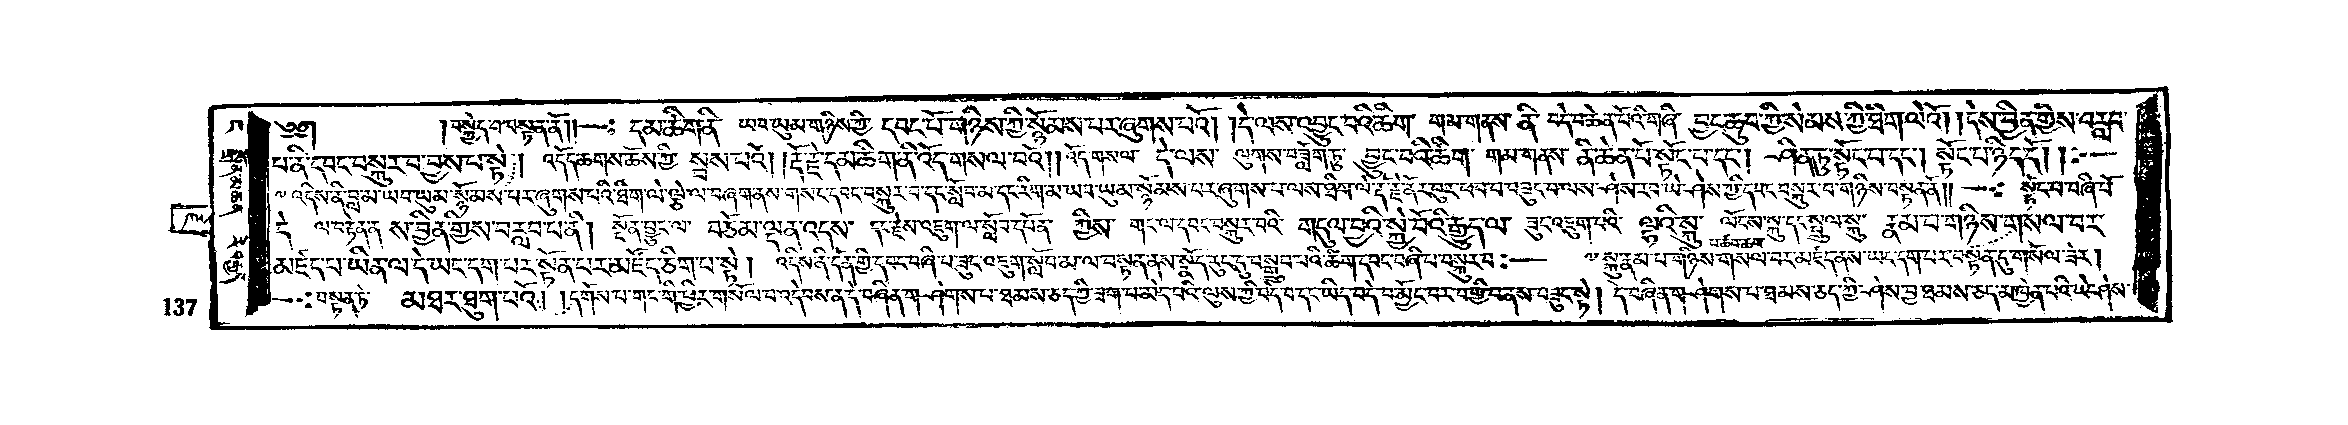༄༅། །བསྐྱེད་པ་བསྟན་ནོ།། དམ་ཚིག་ནི་ཡབ་ཡུམ་གཉིས་ཀྱི་དབང་པོ་གཉིས་ཀྱི་སྙོམས་པར་ཞུགས་པའོ། །དེ་ལས་འབྱུང་བའི་ཚིག་གམ་གནས་ནི་བདེ་བ་ཆེན་པོའི་གཞི་བྱང་ཆུབ་ཀྱི་སེམས་ཀྱི་ཐིག་ལེའོ། །དེས་བྱིན་གྱིས་བརླབ་
པ་ནི་དབང་བསྐུར་བ་བྱས་པ་སྟེ། འདོད་ཆགས་ཆེས་ཀྱི་སྦས་པའོ། །རྡོ་རྗེ་དམ་ཚིག་ནི་འོད་གསལ་བའོ། ། འོད་གསལ་དེ་ལས་ལུགས་བཟློག་ཏུ་བྱུང་བའི་ཚིག་གམ་གནས་ནི་ཆེན་པོ་སྟོང་པ་དང་། ཤིན་ཏུ་སྟོང་པ་དང་། སྟོང་པ་ཉིད་དོ། །
༧་འདིས་ནི་བླ་མ་ཡབ་ཡུམ་སྙོམས་པར་ཞུགས་པའི་ཐིག་ལེ་ལྕེ་ལ་བཞག་ནས་གསང་དབང་བསྐུར་བ་དང་སློབ་མ་དང་རིག་མ་ཡབ་ཡུམ་སྙོམས་པར་ཞུགས་པ་ལས་ཐིག་ལེ་རྡོ་རྗེ་ནོར་བུར་ཕབ་པ་བཟུང་བ་ལས་ཤེས་རབ་ཡེ་ཤེས་ཀྱི་དབང་བསྐུར་བ་གཉིས་བསྟན་ནོ།། སྟོང་པ་བཞི་པོ
དེ་ལ་བརྟེན་ནས་བྱིན་གྱིས་བརླབ་པ་ནི། སྔོན་བྱུང་ལ་བཅོམ་ལྡན་འདས་དང་རྗེས་འཇུག་ལ་སློབ་དཔོན་ཀྱིས་གང་ལ་དབང་བསྐུར་བའི་གདུལ་བྱའི་སྐྱེ་བོའི་རྒྱུད་ལ་ཟུང་འཇུག་པའི་ལྷའི་སྐུ་ལོངས་སྐུ་དང་སྤྲུལ་སྐུ་རྣམ་པ་གཉིས་གསལ་བར་
མཛད་པ་ཡིན་ལ་དེ་ཡང་དག་པར་སྟོན་པར་མཛོད་ཅིག་པ་སྟེ། འདིས་ནི་དོན་གྱི་དབང་བཞི་པ་ཟུང་འཇུག་སློབ་མ་ལ་བསྟན་ནས་སྣོད་རུང་དུ་བསྒྲུབ་པའི་ཚིག་དབང་བཞི་པ་སྐུར་བ་སྐུ་རྣམ་པ་གཉིས་བ་ཚབ་ཆབ་གསལ་བར་མཛད་ནས་ཡང་དག་པར་བསྟན་དུ་གསོལ་ཟེར།
བསྟན་ཏེ་མཐར་ཐུག་པའོ། །དགོས་པ་གང་གི་ཕྱིར་གསོལ་བ་འདེབས་ན་དེ་བཞིན་གཤེགས་པ་ཐམས་ཅད་ཀྱི་ཟག་པ་མེད་པའི་ལུས་ཀྱི་བདེ་བ་དང་ཡིད་བདེ་བ་མྱོང་བར་བགྱི་བ་ནས་བཟུང་སྟེ། དེ་བཞིན་གཤེགས་པ་ཐམས་ཅད་ཀྱི་ཤེས་བྱ་ཐམས་ཅད་མཁྱེན་པའི་ཡེ་ཤེས་